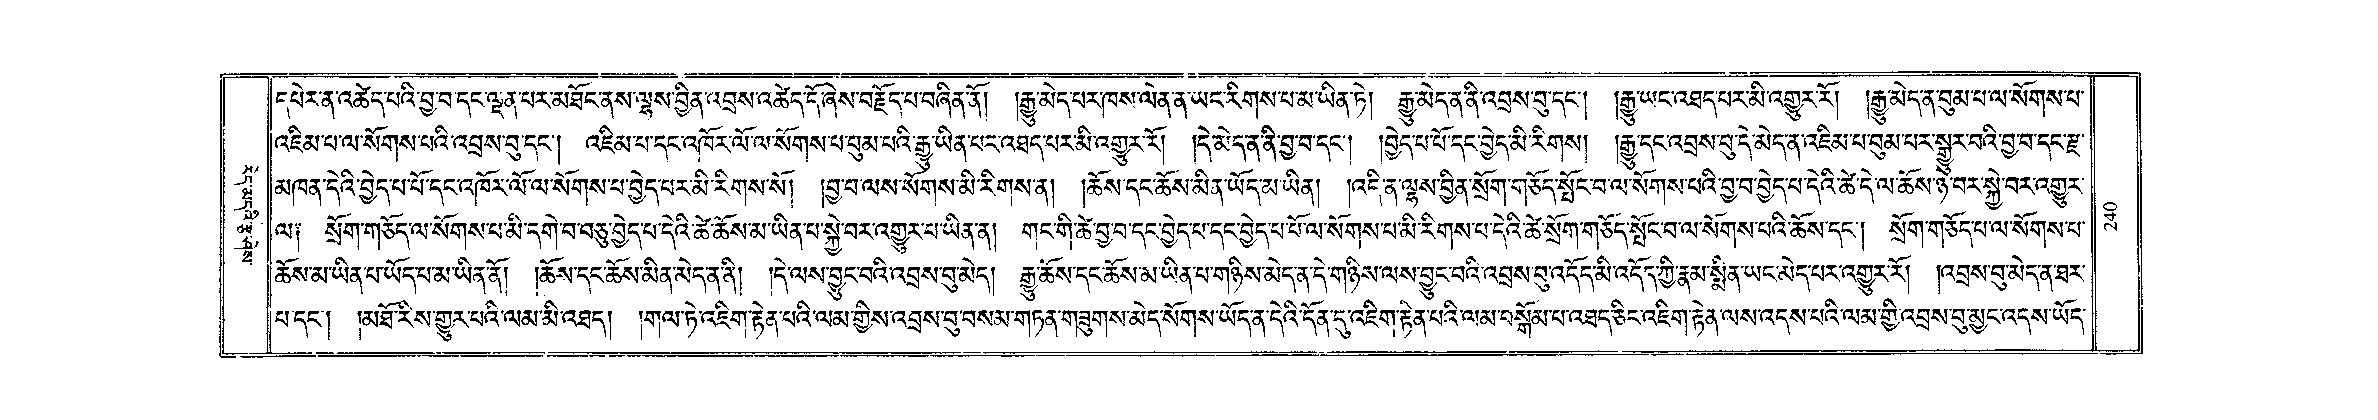དཔེར་ན་འཚེད་པའི་བྱ་བ་དང་ལྡན་པར་མཐོང་ནས་ལྷས་བྱིན་འབྲས་འཚེད་དོ་ཞེས་བརྗོད་པ་བཞིན་ནོ། །རྒྱུ་མེད་པར་ཁས་ལེན་ན་ཡང་རིགས་པ་མ་ཡིན་ཏེ། རྒྱུ་མེད་ན་ནི་འབྲས་བུ་དང་། །རྒྱུ་ཡང་འཐད་པར་མི་འགྱུར་རོ། །རྒྱུ་མེད་ན་བུམ་པ་ལ་སོགས་པ་
འཇིམ་པ་ལ་སོགས་པའི་འབྲས་བུ་དང་། འཇིམ་པ་དང་འཁོར་ལོ་ལ་སོགས་པ་བུམ་པའི་རྒྱུ་ཡིན་པར་འཐད་པར་མི་འགྱུར་རོ། །དེ་མེད་ན་ནི་བྱ་བ་དང་། །བྱེད་པ་པོ་དང་བྱེད་མི་རིགས། །རྒྱུ་དང་འབྲས་བུ་དེ་མེད་ན་འཇིམ་པ་བུམ་པར་སྒྱུར་བའི་བྱ་བ་དང་རྫ་
མཁན་དེའི་བྱེད་པ་པོ་དང་འཁོར་ལོ་ལ་སོགས་པ་བྱེད་པར་མི་རིགས་སོ། །བྱ་བ་ལས་སོགས་མི་རིགས་ན། །ཆོས་དང་ཆོས་མིན་ཡོད་མ་ཡིན། །འདི་ན་ལྷས་བྱིན་སྲོག་གཅོད་སྤོང་བ་ལ་སོགས་པའི་བྱ་བ་བྱེད་པ་དེའི་ཚེ་དེ་ལ་ཆོས་ཉེ་བར་སྐྱེ་བར་འགྱུར་
ལ༑ སྲོག་གཅོད་ལ་སོགས་པ་མི་དགེ་བ་བཅུ་བྱེད་པ་དེའི་ཚེ་ཆོས་མ་ཡིན་པ་སྐྱེ་བར་འགྱུར་པ་ཡིན་ན། གང་གི་ཚེ་བྱ་བ་དང་བྱེད་པ་དང་བྱེད་པ་པོ་ལ་སོགས་པ་མི་རིགས་པ་དེའི་ཚེ་སྲོག་གཅོད་སྤོང་བ་ལ་སོགས་པའི་ཆོས་དང་། སྲོག་གཅོད་པ་ལ་སོགས་པ་
ཆོས་མ་ཡིན་པ་ཡོད་པ་མ་ཡིན་ནོ། །ཆོས་དང་ཆོས་མིན་མེད་ན་ནི། །དེ་ལས་བྱུང་བའི་འབྲས་བུ་མེད། རྒྱུ་ཆོས་དང་ཆོས་མ་ཡིན་པ་གཉིས་མེད་ན་དེ་གཉིས་ལས་བྱུང་བའི་འབྲས་བུ་འདོད་མི་འདོད་ཀྱི་རྣམ་སྨིན་ཡང་མེད་པར་འགྱུར་རོ། །འབྲས་བུ་མེད་ན་ཐར་
པ་དང་། །མཐོ་རིས་གྱུར་པའི་ལམ་མི་འཐད། །གལ་ཏེ་འཇིག་རྟེན་པའི་ལམ་གྱིས་འབྲས་བུ་བསམ་གཏན་གཟུགས་མེད་སོགས་ཡོད་ན་དེའི་དོན་དུ་འཇིག་རྟེན་པའི་ལམ་བསྒོམ་པ་འཐད་ཅིང་འཇིག་རྟེན་ལས་འདས་པའི་ལམ་གྱི་འབྲས་བུ་མྱང་འདས་ཡོད་